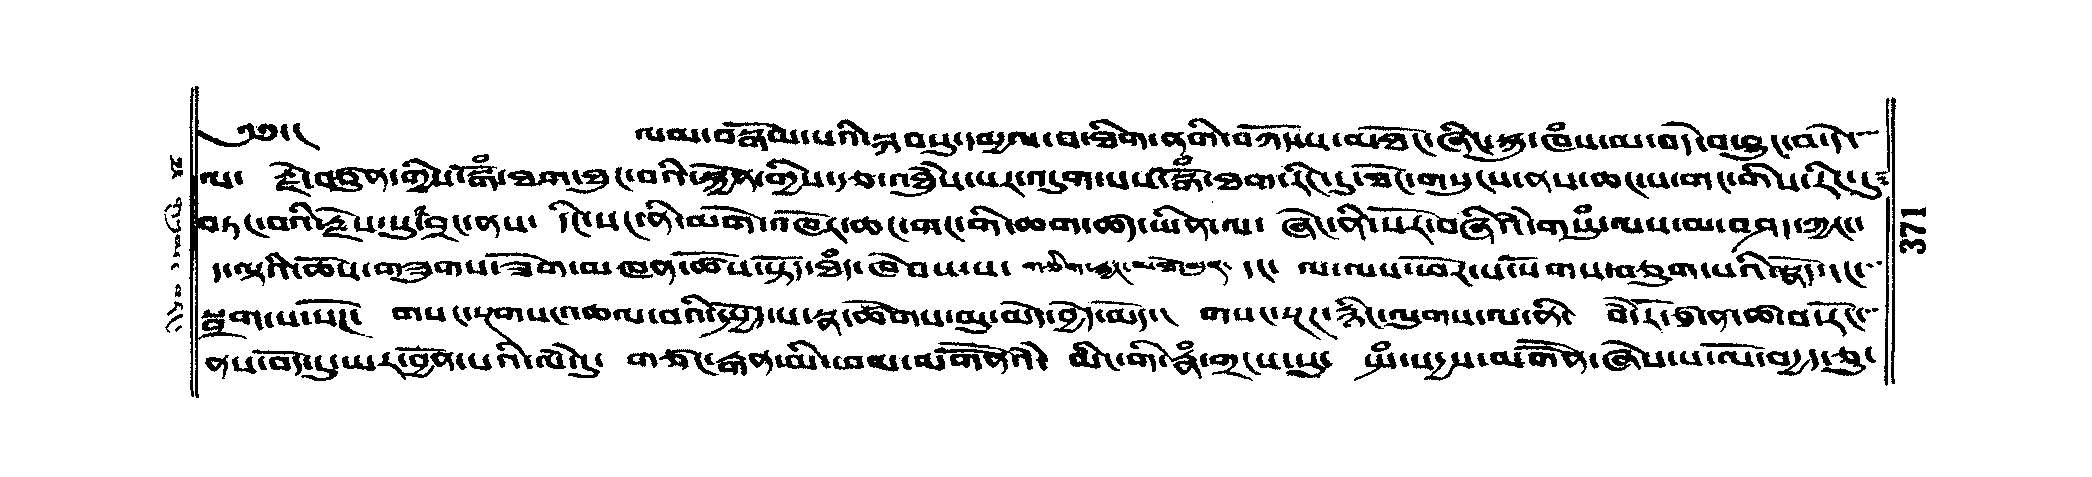ལམ་བསྒོམ་པའི་སྐབས་སུ་དམྱལ་བ་ཐིག་ནག་གི་བཀོད་པ་མཐོང་ཞིང་སྐུ་ཁམས་མ་བདེ་བ་བྱུང་བ་དེ་
ལ། རྗེ་བཙུན་གྱིས་སྒོམ་ཐག་ཐུང་བའི་སྐྱོན་གྱིས་རྩ་འཐུམས་པར་འདུག་པས་སྒོམ་ཐག་རིང་དུ་ཐོང་གསུངས་ནས་ཆང་པ་གང་གིས་རིང་དུ་
བཏང་བའི་རྗེས་སུ་འབྲང་ནས། དིང་སང་ནི་མགོ་འཁོར་ཆང་གང་གི་ཆག་( གཅིག་རྐྱང་མཐོ་བདུན་ )ཚད་ཡིན་ལ། ཞེང་ནི་སོར་བཞིའི་གསུམ་ལས་མ་བཤད་ཀྱང་། 
ད་ལྟའི་ཆོས་གཟུགས་ཟོག་མཁན་ཚོས་སྟོད་ཐམས་ཅད་ཁེབས་པ་དང་། ལ་ལས་ཕོར་པ་སོགས་བཅུག་པའི་སྣོད་དང་
སྦྲག་པ་སོགས། གསང་སྔགས་འཆལ་བའི་སྤྱོད་པ་སྣ་ཚོགས་མུ་མེད་བྱེད་མོད། གསང་སྔགས་རྙིང་ལུགས་ལ་ནི། བཻ་རོ་ཙ་ན་ཚ་བ་རོང་
ནས་བོད་དུ་ཡར་བྱོན་པའི་ལམ་དུ། གཙང་རྒན་མི་ཕམ་མགོན་པོའམ། མིང་གི་རྣམ་གྲངས་སུ། སྤཾ་སངས་རྒྱས་མགོན་པོ་ཞེས་པ་ལོ་བརྒྱད་ཅུ་